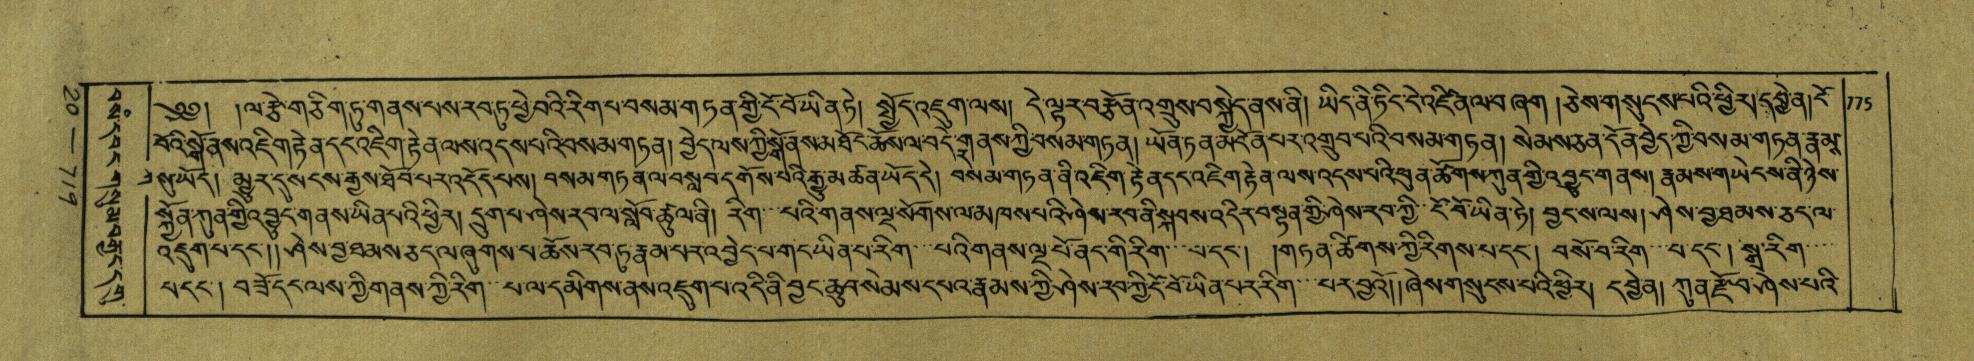༄༅། །ལ་རྩེ་གཅིག་ཏུ་གནས་པས་རབ་ཏུ་ཕྱེ་བའི་རིག་པ་བསམ་གཏན་གྱི་ངོ་བོ་ཡིན་ཏེ། སྤྱོད་འཇུག་ལས། དེ་ལྟར་བརྩོན་འགྲུས་བསྐྱེད་ནས་ནི། ཡིད་ནི་ཏིང་ངེ་འཛིན་ལ་བཞག། །ཅེས་གསུངས་པའི་ཕྱིར། དབྱེ་ན། ངོ་
བོའི་སྒོ་ནས་འཇིག་རྟེན་དང་འཇིག་རྟེན་ལས་འདས་པའི་བསམ་གཏན། བྱེད་ལས་ཀྱི་སྒོ་ནས་མཐོང་ཆོས་ལ་བདེར་གནས་ཀྱི་བསམ་གཏན། ཡོན་ཏན་མངོན་པར་འགྲུབ་པའི་བསམ་གཏན། སེམས་ཅན་དོན་བྱེད་ཀྱི་བསམ་གཏན་རྣམས་
སུ་ཡོད། མྱུར་དུ་སངས་རྒྱས་ཐོབ་པར་འདོད་པས། བསམ་གཏན་ལ་བསླབ་དགོས་པའི་རྒྱུ་མཚན་ཡོད་དེ། བསམ་གཏན་ནི་འཇིག་རྟེན་དང་འཇིག་རྟེན་ལས་འདས་པའི་ཕུན་ཚོགས་ཀུན་གྱི་འབྱུང་གནས། རྣམས་གཡེངས་ནི་ཉེས་
སྐྱོན་ཀུན་གྱི་འབྱུང་གནས་ཡིན་པའི་ཕྱིར། དྲུག་པ་ཤེས་རབ་ལ་སློབ་ཚུལ་ནི། རིག་པའི་གནས་ལྔ་སོགས་ལ་མཁས་པའི་ཤེས་རབ་ནི་སྐབས་འདིར་བསྟན་གྱི་ཤེས་རབ་ཀྱི་ངོ་བོ་ཡིན་ཏེ། བྱང་ས་ལས། ཤེས་བྱ་ཐམས་ཅད་ལ་
འཇུག་པ་དང་། །ཤེས་བྱ་ཐམས་ཅད་ལ་ཞུགས་པ་ཆོས་རབ་ཏུ་རྣམ་པར་འབྱེད་པ་གང་ཡིན་པ་རིག་པའི་གནས་ལྔ་པོ་ནང་གི་རིག་པ་དང་། །གཏན་ཚིགས་ཀྱི་རིགས་པ་དང་། བསོ་བ་རིག་པ་དང་། སྒྲ་རིག་
པ་དང་། བཟོ་དང་ལས་ཀྱི་གནས་ཀྱི་རིག་པ་ལ་དམིགས་ནས་འཇུག་པ་འདི་ནི་བྱང་ཆུབ་སེམས་དཔའ་རྣམས་ཀྱི་ཤེས་རབ་ཀྱི་ངོ་བོ་ཡིན་པར་རིག་པར་བྱའོ། །ཞེས་གསུངས་པའི་ཕྱིར། དབྱེ་ན། ཀུན་རྫོབ་ཤེས་པའི་